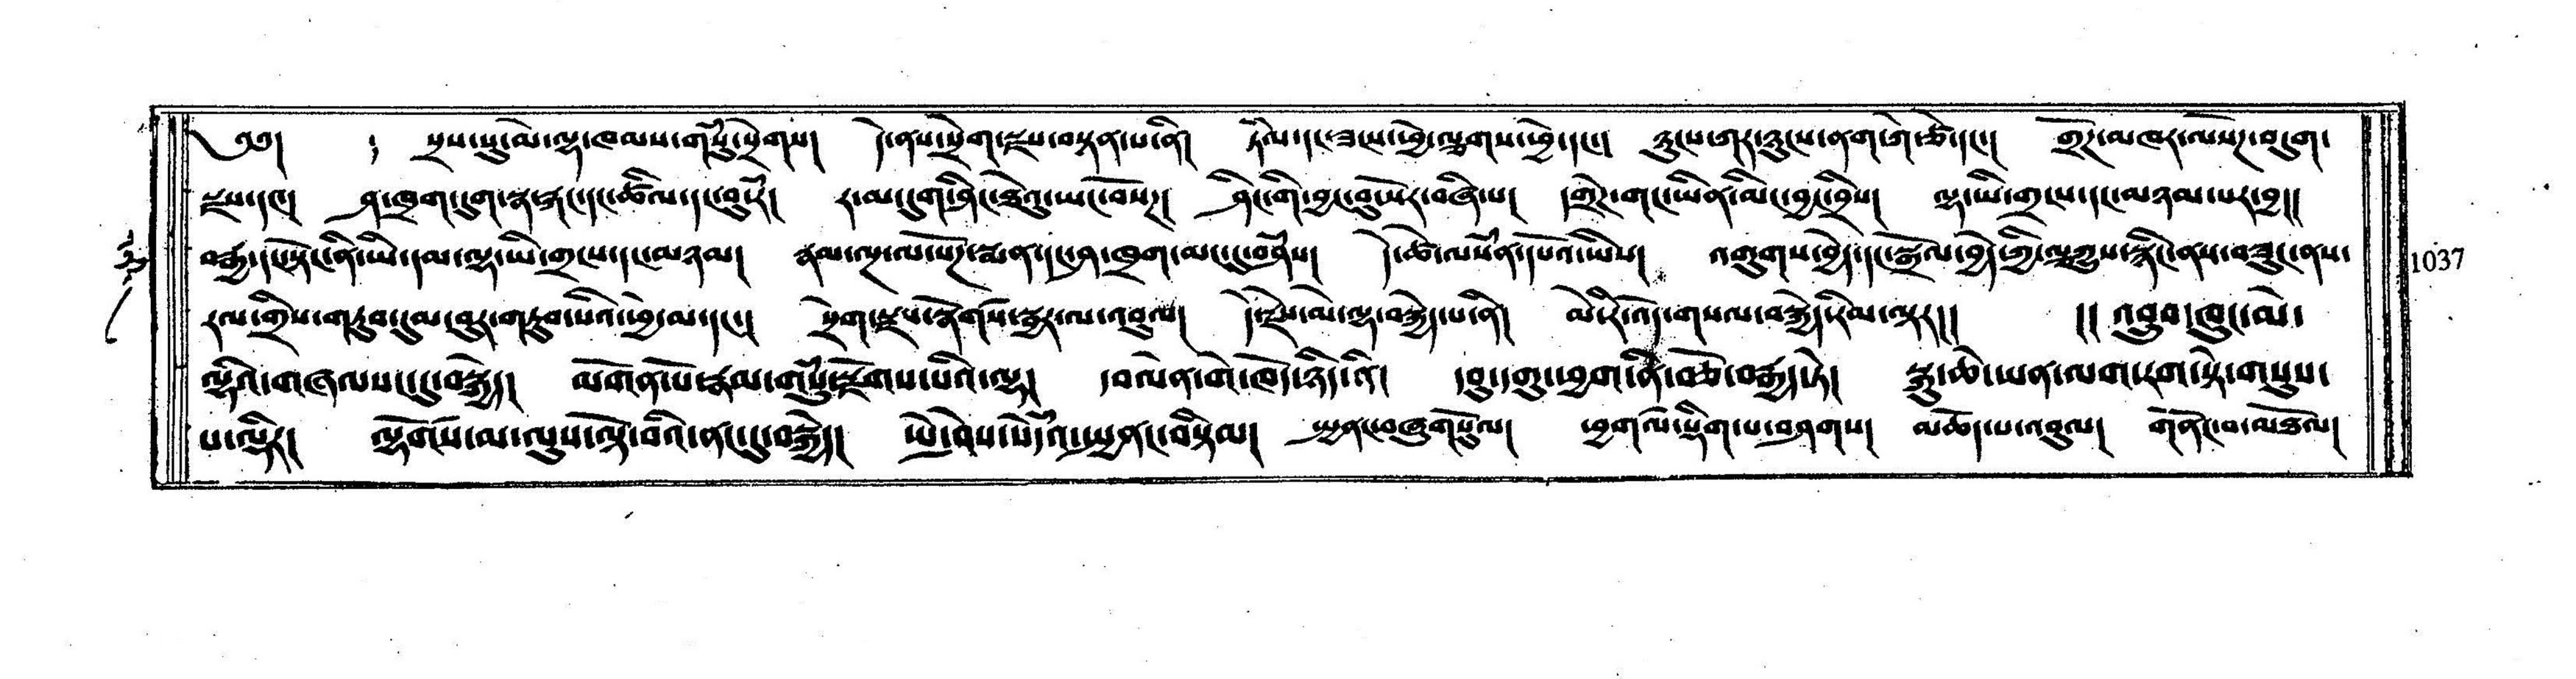སྲས་སུ་མེ་ལྷ་ཁམས་གསུམ་སྲེགས། དེ་ནས་སྲེག་རྫས་བསྟན་པ་ནི། ཏིལ་དང་ཟངས་ཕྱེ་ལྕགས་ཕྱེ་དང་། ཉུངས་ཀར་ཉུངས་ནག་ཀེ་ཙེ་དང་། གྲོགས་མཁར་ལས་སོགས་བདུག་
རྫས་དང་། ཤ་ཁྲག་དུག་སྣ་རྐང་དང་ཚིལ་དང་བུ་རཾ། ར་མ་དུག་ཤིང་ཐེའུ་ཡང་བསོགས། ཤིང་གི་བྱང་བུ་སོར་བཞི་པ། དགྲ་བགེགས་གང་ཡིན་མིང་བྱང་བྲིས། ལྷ་ཡི་གྲངས་དང་མཉམ་པར་བྱ།། 
བརྒྱ་དང་སྟོང་ནི་ཡི་དམ་ལྷ་ཡི་གྲངས་དང་མཉམ། རྣམ་ལྔ་ལ་སོགས་སྨན་དང་ཤ་ཁྲག་མང་དུ་བཤམས། དེ་ཚེ་ལས་མཁན་དཔའ་བོ་ཡིས། འགུགས་བྱེད་དང་སྒྲོལ་བྱེད་ཀྱི་ལྕག་ཀྱུས་སྙིང་ནས་བཟུང་ནས་
རལ་གྲིས་གཏུབ་དུམ་བུར་གཏུབ་པའི་ཕྱེ་མ་དང་། སྲེག་རྫས་སྣ་ཚོགས་སྦྱར་ལ་འབུལ། དེ་རྗེས་མེ་ལྷ་བསྐྱེད་པ་ནི། མེ་རི་འོད་གསལ་བསྐྱེད་རིམ་ལྟར།། །།འབྲུབ་ཁུང་མེ་
ལྷའི་གཞལ་ཡས་ཁང་དུ་བསྐྱེད། མགོན་པོ་རྣམ་གསུམ་རྫོགས་པའི་ལྷ། དབལ་ཆེན་གེ་ཁོད་ཉིད་ནི། དབུ་དགུ་ཕྱག་ནི་བཅོ་བརྒྱད་ཏེ། སྐུ་ཆེ་ཡན་ལག་རག་སྟེ་གསུས་
པ་ལྡིར། ལྷ་ཚོགས་མ་ལུས་ལྟོ་བའི་ནང་དུ་བསྐྱེད། ཡེ་ཤེས་སེམས་དཔའམ་སྤྱན་དྲངས་བསྟིམ། སྤྱན་དྲངས་བཞུགས་སུ་གསོལ། ཕྱག་འཚལ་སྡིག་པ་བཤགས། མཆོད་པ་འབུལ། གནོང་བ་མཐོལ།